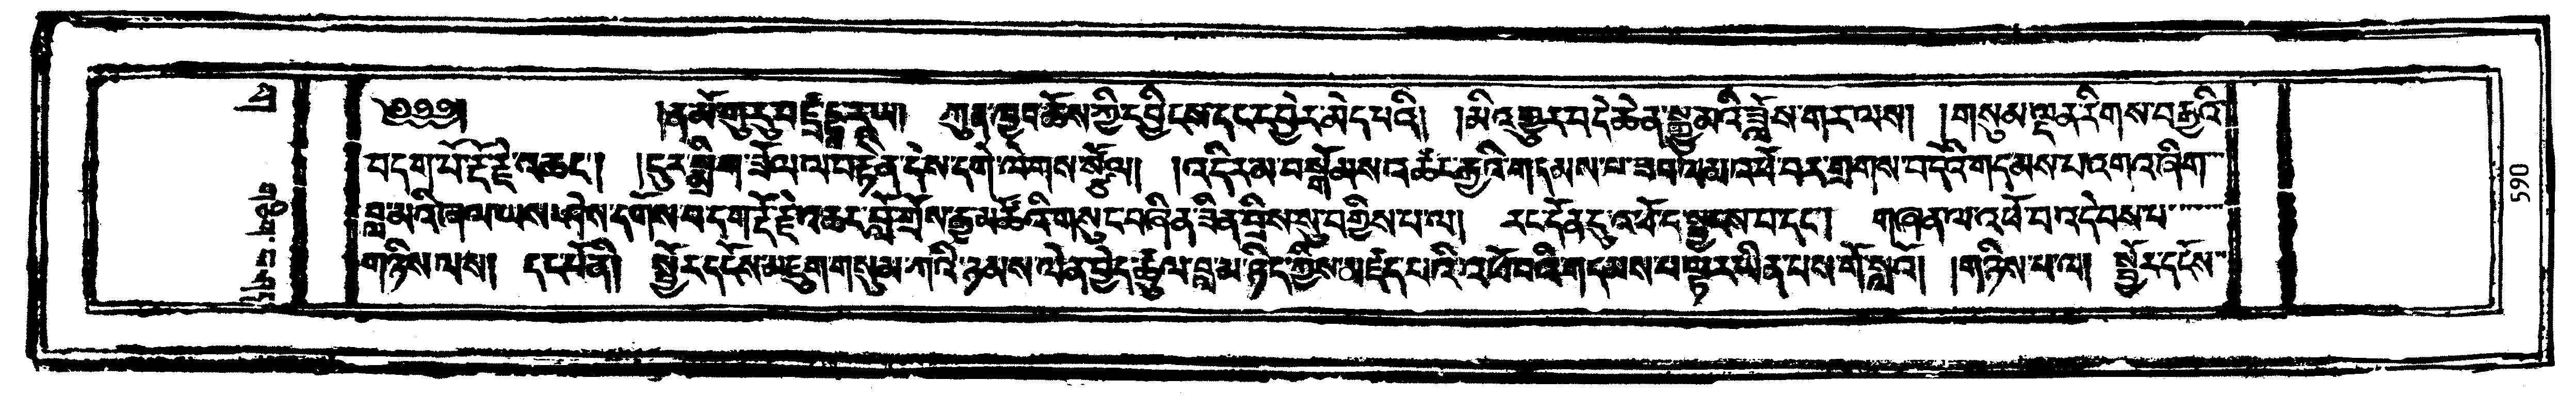༄༅༅། །ན་མོ་གུ་རུ་བཛྲ་དྷཱ་རཱ་ཡ། ཀུན་ཁྱབ་ཆོས་ཀྱི་དབྱིངས་དང་དབྱེར་མེད་པའི། །མི་འགྱུར་བདེ་ཆེན་སྒྱུ་མའི་ཟློས་གར་ལས། །གསུམ་ལྡན་རིགས་བརྒྱའི་
བདག་པོ་རྡོ་རྗེ་འཆང་། །ངུར་སྨྲིག་ཟོལ་ལ་བརྟེན་དེས་དགེ་ལེགས་སྩོལ། །འདིར་མ་བསྒོམས་འཚང་རྒྱའི་གདམས་པ་ཟབ་ལམ་འཕོ་བར་གྲགས་པ་དེའི་གདམས་པ་འགའ་ཞིག་
བླ་མའི་ཞལ་ཡས་ཤེས་དགོས་པ་དག་རྡོ་རྗེ་འཆང་བློ་གྲོས་རྒྱ་མཚོའི་གསུང་བཞིན་ཟིན་བྲིས་སུ་བགྱིས་པ་ལ། རང་དོན་དུ་འཕོ་བ་སྦྱངས་བ་དང་། གཞན་ལ་འཕོ་བ་འདེབས་པ་
གཉིས་ལས། དང་པོ་ནི། སྦྱོར་དངོས་མཇུག་གསུམ་ཀའི་ཉམས་ལེན་བྱེད་ཚུལ་བླ་མ་ཉིད་ཀྱིས་མཛད་པའི་འཕོ་བའི་གདམས་པ་ལྟར་ཡིན་པས་གོ་སླའོ། །གཉིས་པ་ལ། སྦྱོར་དངོས་